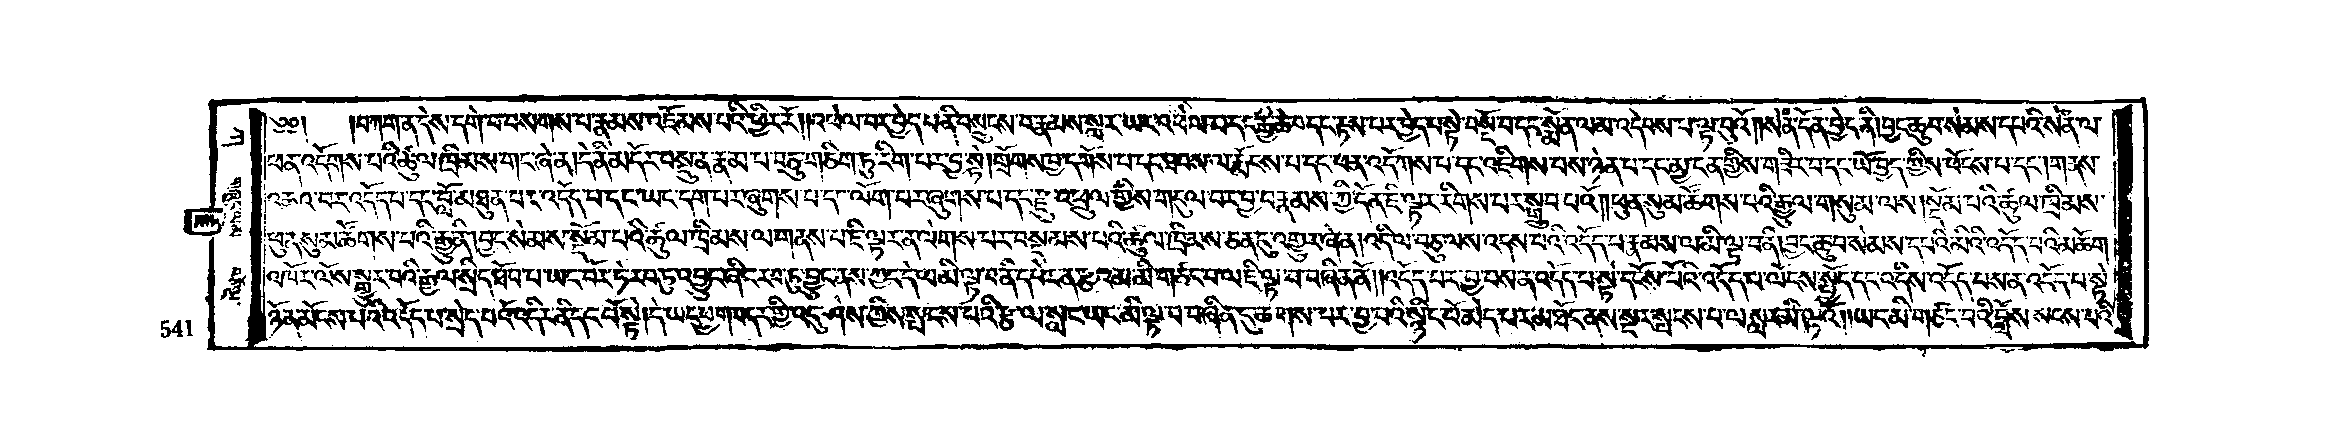༄༅། །བཀག་ན་དེས་དགེ་བ་བསགས་པ་རྣམས་འཇོམས་པའི་ཕྱིར་རོ། །འཕེལ་བར་བྱེད་པ་ནི་བསྲུངས་བ་རྣམས་སླར་ཡང་འཕེལ་བ་དང་རྒྱ་ཆེ་བ་དང་རྟས་པར་བྱེད་པ་སྟེ་བསྔོ་བ་དང་སྨོན་ལམ་འདེབས་པ་ལྟ་བུའོ། །སེམས་ཅན་དོན་བྱེད་ནི། བྱང་ཆུབ་སེམས་དཔའི་སེམས་ཅན་ལ་
ཕན་འདོགས་པའི་ཚུལ་ཁྲིམས་གང་ཞེ་ན། དེ་ནི་མདོར་བསྡུ་ན་རྣམ་པ་བཅུ་གཅིག་ཏུ་རིག་པར་བྱ་སྟེ། གྲོགས་བྱ་དགོས་པ་དང་ཐབས་ལ་རྨོངས་པ་དང་ཕན་འདོགས་པ་དང་འཇིགས་པས་ཉེན་པ་དང་མྱ་ངན་གྱིས་གཟིར་བ་དང་ཡོ་བྱད་ཀྱིས་ཕོངས་པ་དང་། གནས་
འཆའ་བར་འདོད་པ་དང་བློ་མཐུན་པར་འདོད་པ་དང་ཡང་དག་པར་ཞུགས་པ་དང་ལོག་པར་ཞུགས་པ་དང་རྫུ་འཕྲུལ་གྱིས་གདུལ་བར་བྱ་བ་རྣམས་ཀྱི་དོན་ཇི་ལྟར་རིགས་པར་སྒྲུབ་པའོ། །ཕུན་སུམ་ཚོགས་པའི་རྒྱུ་ལ་གསུམ་ལས། སྡོམ་པའི་ཚུལ་ཁྲིམས་
ཕུན་སུམ་ཚོགས་པའི་རྒྱུ་ནི། བྱང་སེམས་སྡོམ་པའི་ཚུལ་ཁྲིམས་ལ་གནས་པ་ཇི་ལྟར་ན་ལེགས་པར་བསྡམས་པའི་ཚུལ་ཁྲིམས་ཅན་དུ་འགྱུར་ཞེ་ན། འདི་ལ་བཅུ་ལས་འདས་པའི་འདོད་པ་རྣམས་ལ་མི་ལྟ་བ་ནི། བྱང་ཆུབ་སེམས་དཔའི་མིའི་འདོད་པའི་མཆོག་
འཁོར་ལོས་སྒྱུར་བའི་རྒྱལ་སྲིད་ཐོབ་པ་ཡང་བོར་ཏེ་རབ་ཏུ་འབྱུང་ཞིང་རབ་ཏུ་བྱུང་ནས་ཀྱང་དེ་ལ་མི་ལྟ་བ་ནི་དཔེར་ན་རྩའམ་མི་གཙང་བ་ལ་ཇི་ལྟ་བ་བཞིན་ནོ། །འདོད་པར་བྱ་བས་ན་འདོད་པ་སྟེ་དངོས་པོའི་འདོད་པ་ལོངས་སྤྱོད་དང་འདིས་འདོད་པས་ན་འདོད་པ་སྟེ་
ཉོན་མོངས་པའི་འདོད་པ་སྲེད་པའོ་འདིར་ནི་དང་པོ་སྟེ། དེ་ཡང་ཕྱག་བདར་གྱི་འདུ་ཤེས་ཀྱིས་སྤངས་པའི་རྩ་ལ་སླར་ཡང་མི་ལྟ་བ་བཞིན་དུ་ཆགས་པར་བྱ་བའི་སྙིང་པོ་མེད་པར་མཐོང་ནས་སྔར་སྤངས་པ་ལ་སླར་མི་ལྟའོ། །ཡང་མི་གཙང་བའི་བློས་སངས་པའི་